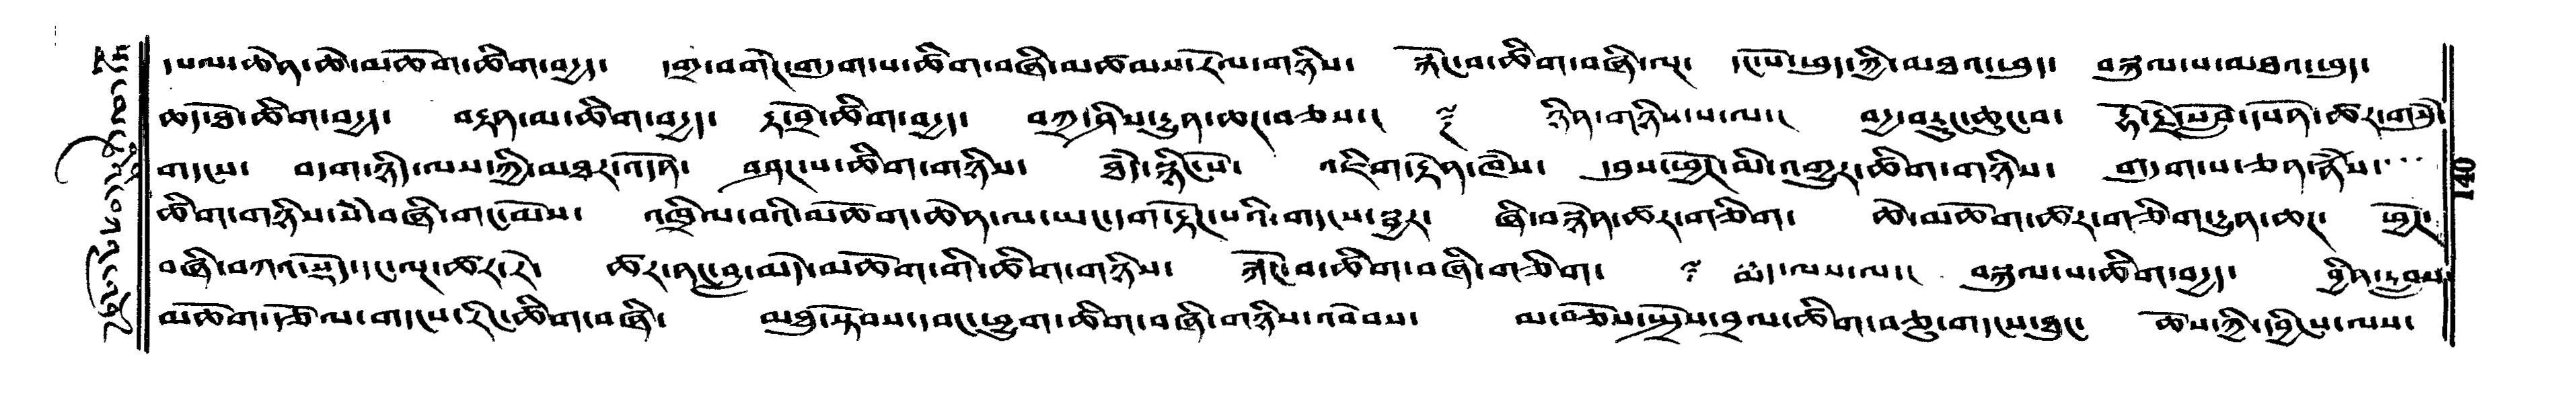དཔལ་ཆེན་ཆེ་མཆོག༴ ཚིག་བརྒྱད། དགྲ་བགེགས་གདུག་པ༴ ཚིག་བཞི་མཚམས་རོལ་གཉིས། སྐོང་བ་ཚིག་བཞི་ལྔ། དང་པོ་ཕུད་ཀྱི༴ མཐའ་ཕུད། སྐུལ་པ་མཐའ་ཕུད། 
ཆད་ཐོ་ཚིག་བརྒྱད། བརྟན་མ་ཚིག་བརྒྱད། རྟ་བྲོ་ཚིག་བརྒྱད། བཀྲ་ཤིས་རྒྱུན་ཆགས་བཅས། ༈ ཉིན་གཉིས་པ་ལ། བརྒྱ་རྡུང་ཆུང་བ། རྡོ་རྗེ་སློབ་དཔོན༴ ཚར་གསུམ་
གདངས། བདག་ཉིད་ལས་ཀྱི༴ མཐར་འདོན། བཤགས་པ་ཚིག་གཉིས། ཐམས་ཅད་སྙིང་པོ༴ འཇིག་རྟེན་ཁམས༴ དབུས་ཕྱོགས་མི་འགྱུར༴ ཚིག་གཉིས། གདུག་པ་ཅན་རྣམས༴ 
ཚིག་གཉིས་སམ་བཞི་གང་མོས། འཁྲིལ་བའི་མཆོག་ཆེན༴ ལ། ཡང་དག་རྟོགས་པའི༴ གདངས་སྦྱར། ཞི་སྙེན་ཚར་གཅིག ཆེ་མཆོག་ཚར་གཅིག་རྒྱུན་ཆགས། ཕྱོགས་
བཞི་བཀའ་སྡོད༴ དང་ལྔ་ཚར་རེ། ཚར་ནང་། བླ་མེད་མཆོག་གི༴ ཚིག་གཉིས། སྐོང་བ་ཚིག་བཞི་གཅིག སྨད་ལས་ལ། སྐུལ་པ་ཚིག་བརྒྱད། བྱིན་རླབས་
མཆོག་རྩོལ༴ གདངས་རིང་ཚིག་བཞི། མཐུ་སྟོབས་དབང་ཕྱུག༴ ཚིག་བཞི་གཉིས་འབེབས། མ་བཅོས་སྤྲོས་བྲལ༴ཚིག་བཅུ་གདངས་ཐུང་། ཆོས་ཀྱི་དབྱིངས་ལས༴